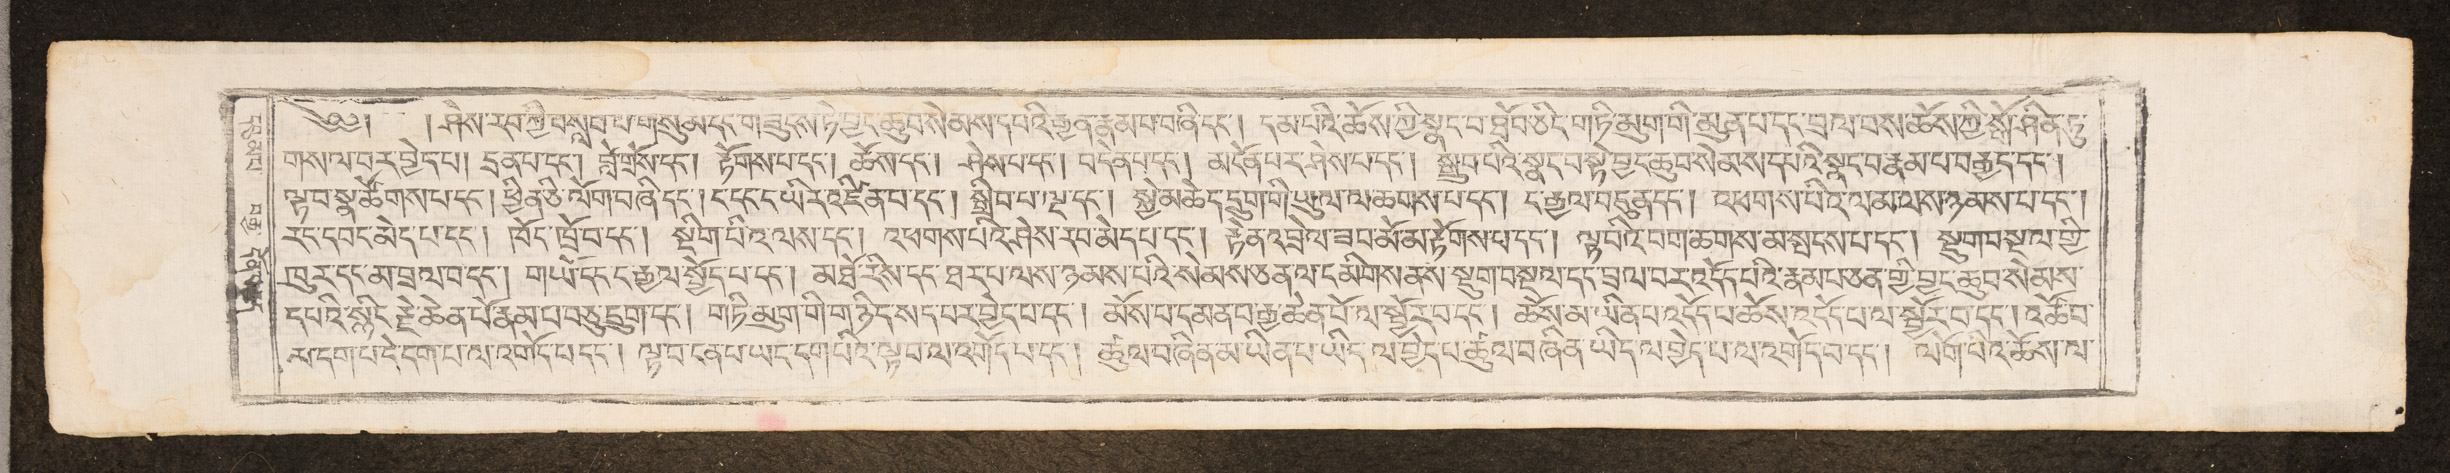༄༅། །ཤེས་རབ་ཀྱི་བསླབ་པ་གསུམ་དང་གཟུངས་ཏེ་བྱང་ཆུབ་སེམས་དཔའི་རྒྱན་རྣམ་པ་བཞི་དང་། དམ་པའི་ཆོས་ཀྱི་སྣང་བ་ཐོབ་ཅིང་གཏི་མུག་གི་མུན་པ་དང་བྲལ་བས་ཆོས་ཀྱི་སྒོ་ཤིན་ཏུ་
གསལ་བར་བྱེད་པ། དྲན་པ་དང་། བློ་གྲོས་དང་། རྟོགས་པ་དང་། ཆོས་དང་། ཤེས་པ་དང་། བདེན་པ་དང་། མངོན་པར་ཤེས་པ་དང་། སྒྲུབ་པའི་སྣང་བ་སྟེ་བྱང་ཆུབ་སེམས་དཔའི་སྣང་བ་རྣམ་པ་བརྒྱད་དང་།
ལྟ་བ་སྣ་ཚོགས་པ་དང་། ཕྱིན་ཅི་ལོག་བཞི་དང་། ང་དང་ང་ཡིར་འཛིན་པ་དང་། སྒྲིབ་པ་ལྔ་དང་། སྐྱེ་མཆེད་དྲུག་གི་ཡུལ་ལ་ཆགས་པ་དང་། ང་རྒྱལ་བདུན་དང་། འཕགས་པའི་ལམ་ལས་ཉམས་པ་དང་།
རང་དབང་མེད་པ་དང་། ཁོང་ཁྲོ་བ་དང་། སྡིག་པའི་ལས་དང་། འཕགས་པའི་ཤེས་རབ་མེད་པ་དང་། རྟེན་འབྲེལ་ཟབ་མོ་མ་རྟོགས་པ་དང་། ལྟ་བའི་བག་ཆགས་མ་སྤངས་པ་དང་། སྡུག་བསྔལ་གྱི་
ཁུར་དང་མ་བྲལ་བ་དང་། གཡོ་དང་ང་རྒྱལ་སྤྱོད་པ་དང་། མཐོ་རིས་དང་ཐར་པ་ལས་ཉམས་པའི་སེམས་ཅན་ལ་དམིགས་ནས་སྡུག་བསྔལ་དང་བྲལ་བར་འདོད་པའི་རྣམ་པ་ཅན་གྱི་བྱང་ཆུབ་སེམས་
དཔའི་སྙིང་རྗེ་ཆེན་པོ་རྣམ་པ་བཅུ་དྲུག་དང་། གཏི་མུག་གི་གཉིད་སད་པར་བྱེད་པ་དང་། མོས་པ་དམན་པ་རྒྱ་ཆེན་པོ་ལ་སྦྱོར་བ་དང་། ཆོས་མ་ཡིན་པ་འདོད་པ་ཆོས་འདོད་པ་ལ་སྦྱོར་བ་དང་། འཚོ་བ་
མ་དག་པ་དེ་དག་པ་ལ་འགོད་པ་དང་། ལྟ་བ་ངན་པ་ཡང་དག་པའི་ལྟ་བ་ལ་འགོད་པ་དང་། ཚུལ་བཞིན་མ་ཡིན་པ་ཡིད་ལ་བྱེད་པ་ཚུལ་བཞིན་ཡིད་ལ་བྱེད་པ་ལ་འགོད་པ་དང་། ལོག་པའི་ཆོས་ལ་